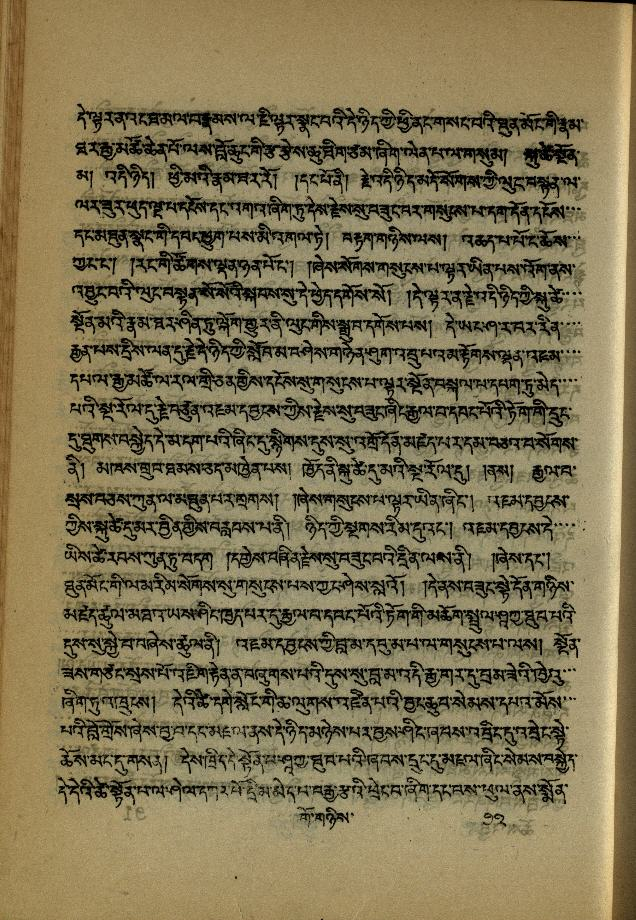དེ་ལྟར་ནའང་ཐ་མལ་བ་རྣམས་ལ་ཇི་ལྟར་སྣང་བའི་དེ་ཉིད་ཀྱི་ཕྱི་ནང་གསང་བའི་ཐུན་མོང་གི་རྣམ་
ཐར་རྒྱ་མཚོ་ཆེན་པོ་ལས་བློ་ཆུང་གི་རྩ་རྩེས་ཆུ་ཐིག་ཙམ་ཞིག་ལེན་པ་ལ་གསུམ། སྐུ་ཚེ་སྔོན་
མ། འདི་ཉིད། ཕྱི་མའི་རྣམ་ཐར་རོ། །དང་པོ་ནི། རྗེ་འདི་ཉིད་མདོ་སོགས་ཀྱི་ལུང་བསྟན་ལ་
ལར་ཟུར་ཕུད་ལྔ་པ་དངོས་དང་འགའ་ཞིག་ཏུ་དེས་རྗེས་སུ་བཟུང་བར་གསུངས་པ་དག་དོན་དངོས་
དང་མཐུན་སྣང་གི་དབང་ཕྱུག་པས་མི་འགལ་ཏེ། བརྟག་གཉིས་ལས། འཆད་པ་པོ་ང་ཆོས་
ཀྱང་ང་། །རང་གི་ཚོགས་ལྡན་ཉན་པོ་ང་། །ཞེས་སོགས་གསུངས་པ་ལྟར་ཡིན་པས་འོག་ནས་
འབྱུང་བའི་ལུང་བསྟན་སོ་སོའི་སྐབས་སུ་དེ་ཕྱེད་དགོས་སོ། །དེ་ལྟར་ན་རྗེ་འདི་ཉིད་ཀྱི་སྐུ་ཚེ་
སྔོན་མའི་རྣམ་ཐར་ཤིན་ཏུ་ལྐོག་གྱུར་ནི་ལུང་གིས་སྒྲུབ་དགོས་པས། དེ་ཡང་ཤ་ར་བར་རིན་
རྒྱན་པས་དྲིས་ལན་དུ་རྗེ་དེ་ཉིད་ཀྱི་སློབ་མ་བཤེས་གཉེན་ཤུག་འབྲུ་པའམ་རྟོགས་ལྡན་འཇམ་
དཔལ་རྒྱ་མཚོ་ལ་རལ་གྲི་ཅན་གྱིས་དངོས་སུ་གསུངས་པ་ལྟར་སྔོན་བསྐལ་པ་དཔག་ཏུ་མེད་
པའི་སྔ་རོལ་དུ་རྗེ་བཙུན་འཇམ་དབྱངས་ཀྱིས་རྗེས་སུ་བཟུང་ཞིང་རྒྱལ་བ་དབང་པོའི་ཏོག་གི་དྲུང་
དུ་ཐུགས་བསྐྱེད་དེ་མ་དག་པའི་ཞིང་དུ་སྙིགས་དུས་སུ་འགྲོ་དོན་མཛད་པར་དམ་བཅའ་བ་སོགས་
ནི། མཁས་གྲུབ་ཐམས་ཅད་མཁྱེན་པས། ཁྱོད་ནི་སྐུ་ཚེ་དུ་མའི་སྔ་རོལ་དུ། །ནས། རྒྱལ་བ་
སྲས་བཅས་ཀུན་ལ་མཐུན་པར་གྲགས། །ཞེས་གསུངས་པ་ལྟར་ཡིན་ཞིང་། འཇམ་དབྱངས་
ཀྱིས་སྐུ་ཚེ་དུ་མར་བྱིན་གྱིས་བརླབས་པ་ནི། ཉིད་ཀྱི་སྔགས་རིམ་དུའང་། འཇམ་དབྱངས་དེ་
ཡིས་ཚེ་རབས་ཀུན་ཏུ་བདག །དགྱེས་བཞིན་རྗེས་སུ་བཟུང་བའི་དྲིན་ལས་ནི། །ཞེས་དང་།
ཐུན་མོང་གི་ལམ་རིམ་སོགས་སུ་གསུངས་པས་ཀྱང་ཤེས་སླའོ། །དེ་ནས་བཟུང་སྟེ་དོན་གཉིས་
མཛད་ཚུལ་མཐའ་ཡས་ཤིང་ཁྱད་པར་དུ་རྒྱལ་བ་དབང་པོའི་ཏོག་གི་མཆོག་སྤྲུལ་ཤཱཀྱ་ཐུབ་པའི་
དུས་སུ་སྐྱེ་བ་བཞེས་ཚུལ་ནི། འཇམ་དབྱངས་ཀྱི་བླ་མ་དབུ་མ་པ་ལ་གསུངས་པ་ལས། སྔོན་
ཟས་གཙང་སྲས་པོ་འཇིག་རྟེན་ན་བཞུགས་པའི་དུས་སུ་བླ་མ་འདི་རྒྱ་གར་དུ་བྲམ་ཟེའི་ཁྱེའུ་
ཞིག་ཏུ་འཁྲུངས། དེའི་ཚེ་དགེ་སློང་གི་ཆ་ལུགས་འཛིན་པའི་བྱང་ཆུབ་སེམས་དཔའ་མོས་
པའི་བློ་གྲོས་ཞེས་བྱ་བ་དང་མཇལ་ནས་དེ་ཉིད་མཉེས་པར་བྱས་ཤིང་ཞབས་འབྲིང་དུ་འབྲེང་སྟེ་
ཆོས་མང་དུ་གསན། དེས་ཁྲིད་དེ་སྟོན་པ་ཤཱཀྱ་ཐུབ་པའི་ཞབས་དྲུང་དུ་མཇལ་ཞིང་སེམས་བསྐྱེད་
དེ་དེའི་ཚེ་སྟོན་པ་ལ་ཤེལ་དཀར་པོ་དྲི་མ་མེད་པ་བརྒྱ་རྩའི་ཕྲེང་བ་ཞིག་དང་བཅས་ཕུལ་ནས་སྨོན་